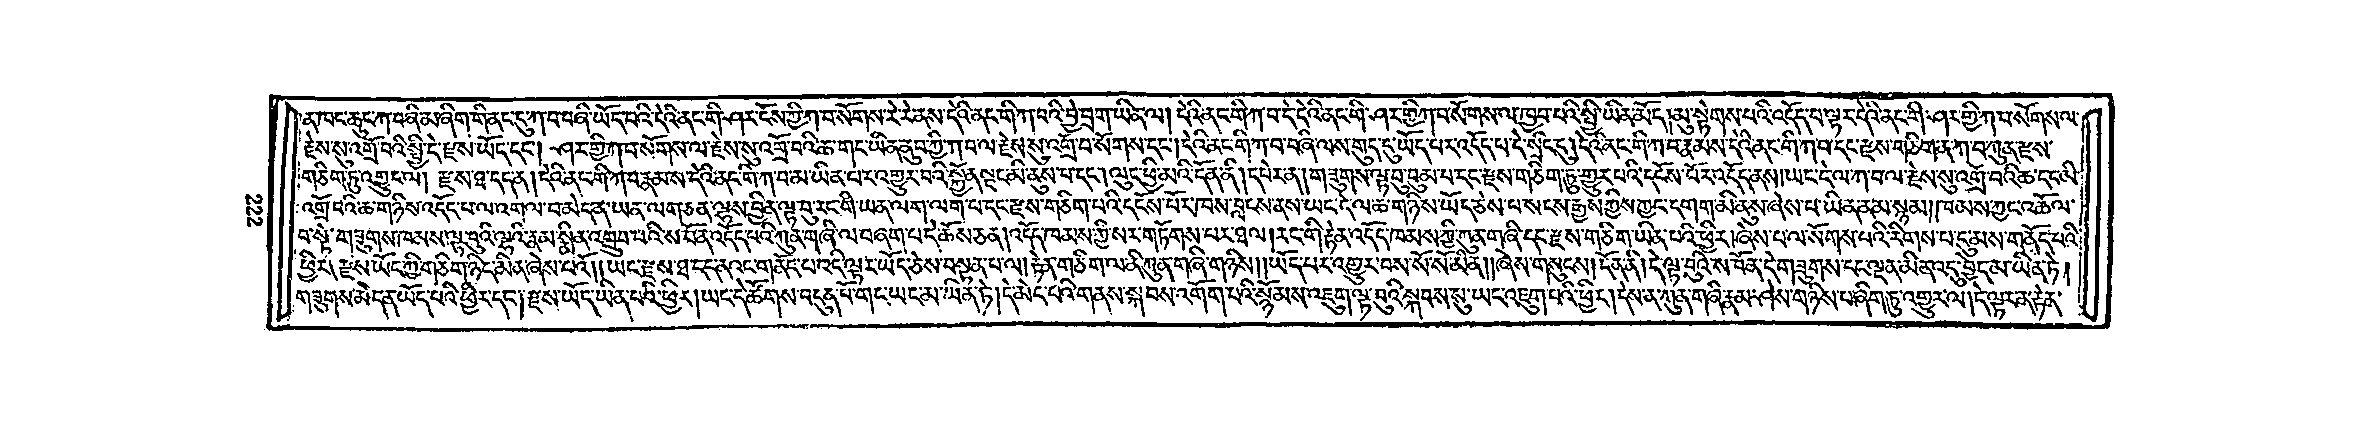ན་ཁང་ཆུང་ཀ་བཞི་མ་ཞིག་གི་ནང་དུ་ཀ་བ་བཞི་ཡོད་པའི་དེའི་ནང་གི་ཤར་ངོས་ཀྱི་ཀ་བ་སོགས་རེ་རེ་ནས་ནས་དེའི་ནང་གི་ཀ་བའི་བྱེ་བྲག་ཡིན་ལ། དེའི་ནང་གི་ཀ་བ་དེ་དེའི་ནང་གི་ཤར་གྱི་ཀ་བ་སོགས་ལ་ཁྱབ་པའི་སྤྱི་ཡིན་མོད། མུ་སྟེགས་པའི་འདོད་པ་ལྟར་དེའི་ནང་གི་ཤར་གྱི་ཀ་བ་སོགས་ལ་
རྗེས་སུ་འགྲོ་བའི་སྤྱི་དེ་རྫས་ཡོད་དང་། ཤར་གྱི་ཀ་བ་སོགས་ལ་རྗེས་སུ་འགྲོ་བའི་ཆ་གང་ཡིན་ནུབ་ཀྱི་ཀ་བ་ལ་རྗེས་སུ་འགྲོ་བ་སོགས་དང་། དེའི་ནང་གི་ཀ་བ་བཞི་ལས་གུད་དུ་ཡོད་པར་འདོད་པ་དེ་སྲིད་དུ། དེའི་ནང་གི་ཀ་བ་རྣམས་དེའི་ནང་གི་ཀ་བ་དང་རྫས་
གཅིག་ན་ཀ་བ་ཀུན་རྫས་གཅིག་ཏུ་འགྱུར་ལ། རྫས་ཐ་དད་ན། དེའི་ནང་གི་ཀ་བ་རྣམས་དེའི་ནང་གི་ཀ་བ་མ་ཡིན་པར་འགྱུར་བའི་སྐྱོན་སྡང་མི་ནུས་པ་དང་། ལུང་ཕྱི་མའི་དོན་ནི། དཔེར་ན། གཟུགས་ལྟ་བུ་བུམ་པ་དང་རྫས་གཅིག་ཏུ་གྱུར་པའི་དངོས་པོར་འདོད་ནས། ཡང་དེ་ལ་ཀ་བ་ལ་རྗེས་སུ་འགྲོ་བའི་ཆ་དང་མི་
འགྲོ་བའི་ཆ་གཉིས་འདོད་པ་ལ་འགལ་བ་མེད་ན་ཡན་ལག་ཅན་ལྷས་བྱིན་ལྟ་བུ་རང་གི་ཡན་ལག་ལག་པ་དང་རྫས་གཅིག་པའི་དངོས་པོར་ཁས་བླངས་ནས་ཡང་དེ་ལ་ཆ་གཉིས་ཡོད་ཅེས་པ་སངས་རྒྱས་ཀྱིས་ཀྱང་དགག་མི་ནུས་ཞེས་པ་ཡིན་ནམ་སྙམ། ཁམས་ཀྱང་འཆོལ་
བ་སྟེ་གཟུགས་ཁམས་ལྟ་བུའི་ལྷའི་རྣམ་སྨིན་འགྲུབ་པའི་ས་བོན་འདོད་པའི་ཀུན་གཞི་ལ་བཞག་པ་དེ་ཆོས་ཅན། འདོད་ཁམས་ཀྱི་སར་གཏོགས་པར་ཐལ། རང་གི་རྟེན་འདོད་ཁམས་ཀྱི་ཀུན་གཞི་དང་རྫས་གཅིག་ཡིན་པའི་ཕྱིར། ཞེས་པ་ལ་སོགས་པའི་རིགས་པ་དུ་མས་གནོད་པའི་
ཕྱིར། རྫས་ཡོད་ཀྱི་གཅིག་ཉིད་མིན་ཞེས་པའོ། །ཡང་རྫས་ཐ་དད་ནའང་གནོད་པ་འདི་ལྟར་ཡོད་ཅེས་བསྟན་པ་ལ། རྟེན་གཅིག་ལ་ནི་ཀུན་གཞི་གཉིས། །ཡོད་པར་འགྱུར་བས་སོ་སོ་མིན། །ཞེས་གསུངས། དོན་ནི། དེ་ལྟ་བུའི་ས་བོན་དེ་གཟུགས་དང་ལྡན་མིན་འདུ་བྱེད་མ་ཡིན་ཏེ།
གཟུགས་མེད་ན་ཡོད་པའི་ཕྱིར་དང་། རྫས་ཡོད་ཡིན་པའི་ཕྱིར། ཡང་དེ་ཚོགས་བདུན་པོ་གང་ཡང་མ་ཡིན་ཏེ། དེ་མེད་པའི་གནས་སྐབས་འགོག་པའི་སྙོམས་འཇུག་ལྟ་བུའི་སྐབས་སུ་ཡང་འཇུག་པའི་ཕྱིར། དེས་ན་ཀུན་གཞི་རྣམ་ཤེས་གཉིས་པ་ཞིག་ཏུ་འགྱུར་ལ། དེ་ལྟར་ན་རྟེན་